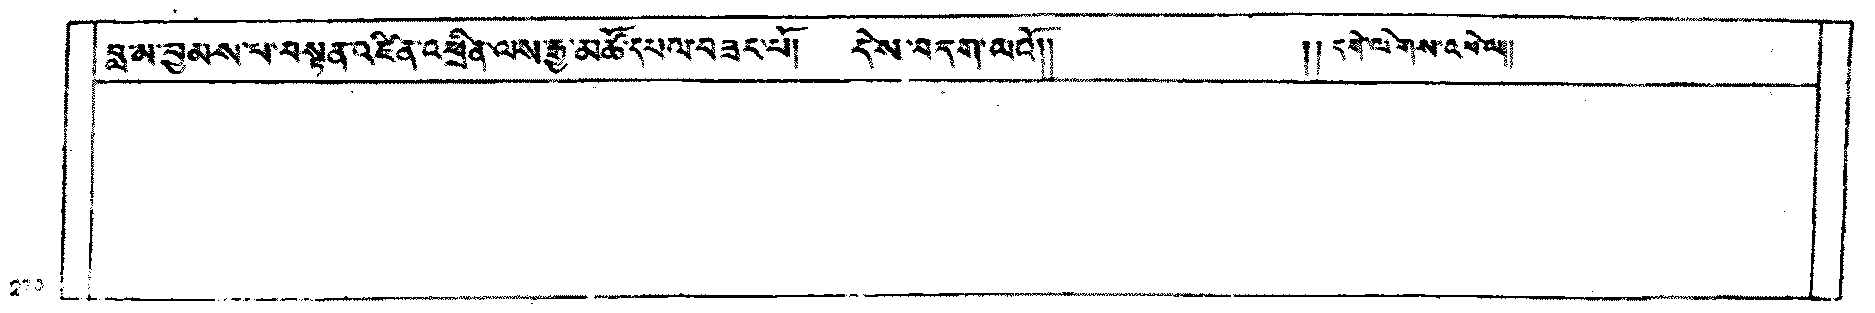བླ་མ་བྱམས་པ་བསྟན་འཛིན་འཕྲིན་ལས་རྒྱ་མཚོ་དཔལ་བཟང་པོ། དེས་བདག་ལའོ།། །།དགེ་ལེགས་འཕེལ།།